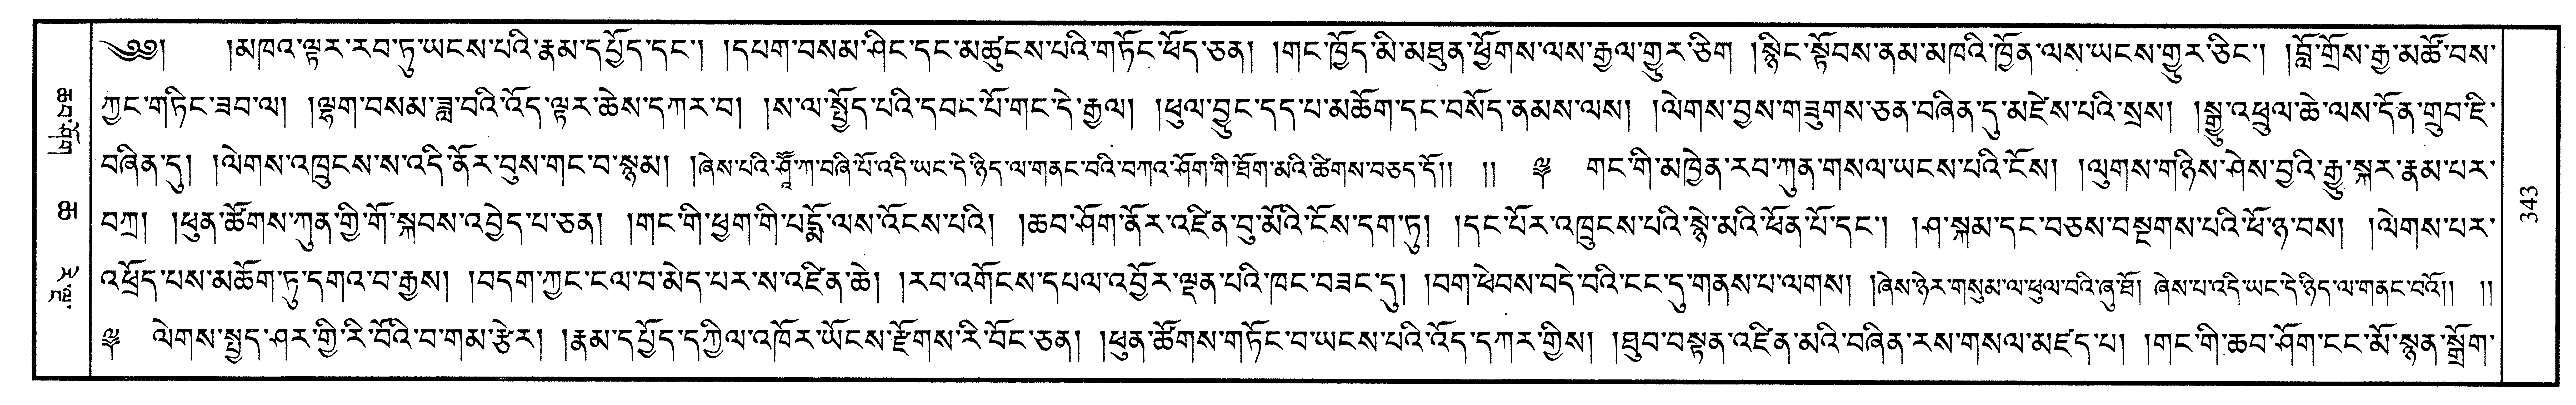༄༅། །མཁའ་ལྟར་རབ་ཏུ་ཡངས་པའི་རྣམ་དཔྱོད་དང་། །དཔག་བསམ་ཤིང་དང་མཚུངས་པའི་གཏོང་ཕོད་ཅན། །གང་ཁྱོད་མི་མཐུན་ཕྱོགས་ལས་རྒྱལ་གྱུར་ཅིག །སྙིང་སྟོབས་ནམ་མཁའི་ཁྱོན་ལས་ཡངས་གྱུར་ཅིང་། །བློ་གྲོས་རྒྱ་མཚོ་བས་
ཀྱང་གཏིང་ཟབ་ལ། །ལྷག་བསམ་ཟླ་བའི་འོད་ལྟར་ཆེས་དཀར་བ། །ས་ལ་སྤྱོད་པའི་དབང་པོ་གང་དེ་རྒྱལ། །ཕུལ་བྱུང་དད་པ་མཆོག་དང་བསོད་ནམས་ལས། །ལེགས་བྱས་གཟུགས་ཅན་བཞིན་དུ་མཛེས་པའི་སྲས། །སྒྱུ་འཕྲུལ་ཆེ་ལས་དོན་གྲུབ་ཇི་
བཞིན་དུ། །ལེགས་འཁྲུངས་ས་འདི་ནོར་བུས་གང་བ་སྙམ། །ཞེས་པའི་ཤOཨོ་ཀ་བཞི་པོ་འདི་ཡང་དེ་ཉིད་ལ་གནང་བའི་བཀའ་ཤོག་གི་ཐོག་མའི་ཚིགས་བཅད་དོ།། །། ༈ གང་གི་མཁྱེན་རབ་ཀུན་གསལ་ཡངས་པའི་ངོས། །ལུགས་གཉིས་ཤེས་བྱའི་རྒྱུ་སྐར་རྣམ་པར་
བཀྲ། །ཕུན་ཚོགས་ཀུན་གྱི་གོ་སྐབས་འབྱེད་པ་ཅན། །གང་གི་ཕྱག་གི་པདམོ་ལས་འོངས་པའི། །ཆབ་ཤོག་ནོར་འཛིན་བུ་མོའི་ངོས་དག་ཏུ། །དང་པོར་འཁྲུངས་པའི་སྙེ་མའི་ཕོན་པོ་དང་། །ཤ་སྐམ་དང་བཅས་བསྔགས་པའི་ཕོ་ཉ་བས། །ལེགས་པར་
འཕྲོད་པས་མཆོག་ཏུ་དགའ་བ་རྒྱས། །བདག་ཀྱང་ངལ་བ་མེད་པར་ས་འཛིན་ཆེ། །རབ་འགོངས་དཔལ་འབྱོར་ལྡན་པའི་ཁང་བཟང་དུ། །བག་ཕེབས་བདེ་བའི་ངང་དུ་གནས་པ་ལགས། །ཞེས་ཉེར་གསུམ་ལ་ཕུལ་བའི་ཞུ་ཐོ། །ཞེས་པ་འདི་ཡང་དེ་ཉིད་ལ་གནང་བའོ།། །།
༈ ལེགས་སྤྱད་ཤར་གྱི་རི་བོའི་བ་གམ་རྩེར། །རྣམ་དཔྱོད་དཀྱིལ་འཁོར་ཡོངས་རྫོགས་རི་བོང་ཅན། །ཕུན་ཚོགས་གཏོང་བ་ཡངས་པའི་འོད་དཀར་གྱིས། །ཐུབ་བསྟན་འཛིན་མའི་བཞིན་རས་གསལ་མཛད་པ། །གང་གི་ཆབ་ཤོག་ངང་མོ་སྙན་སྒྲོག་